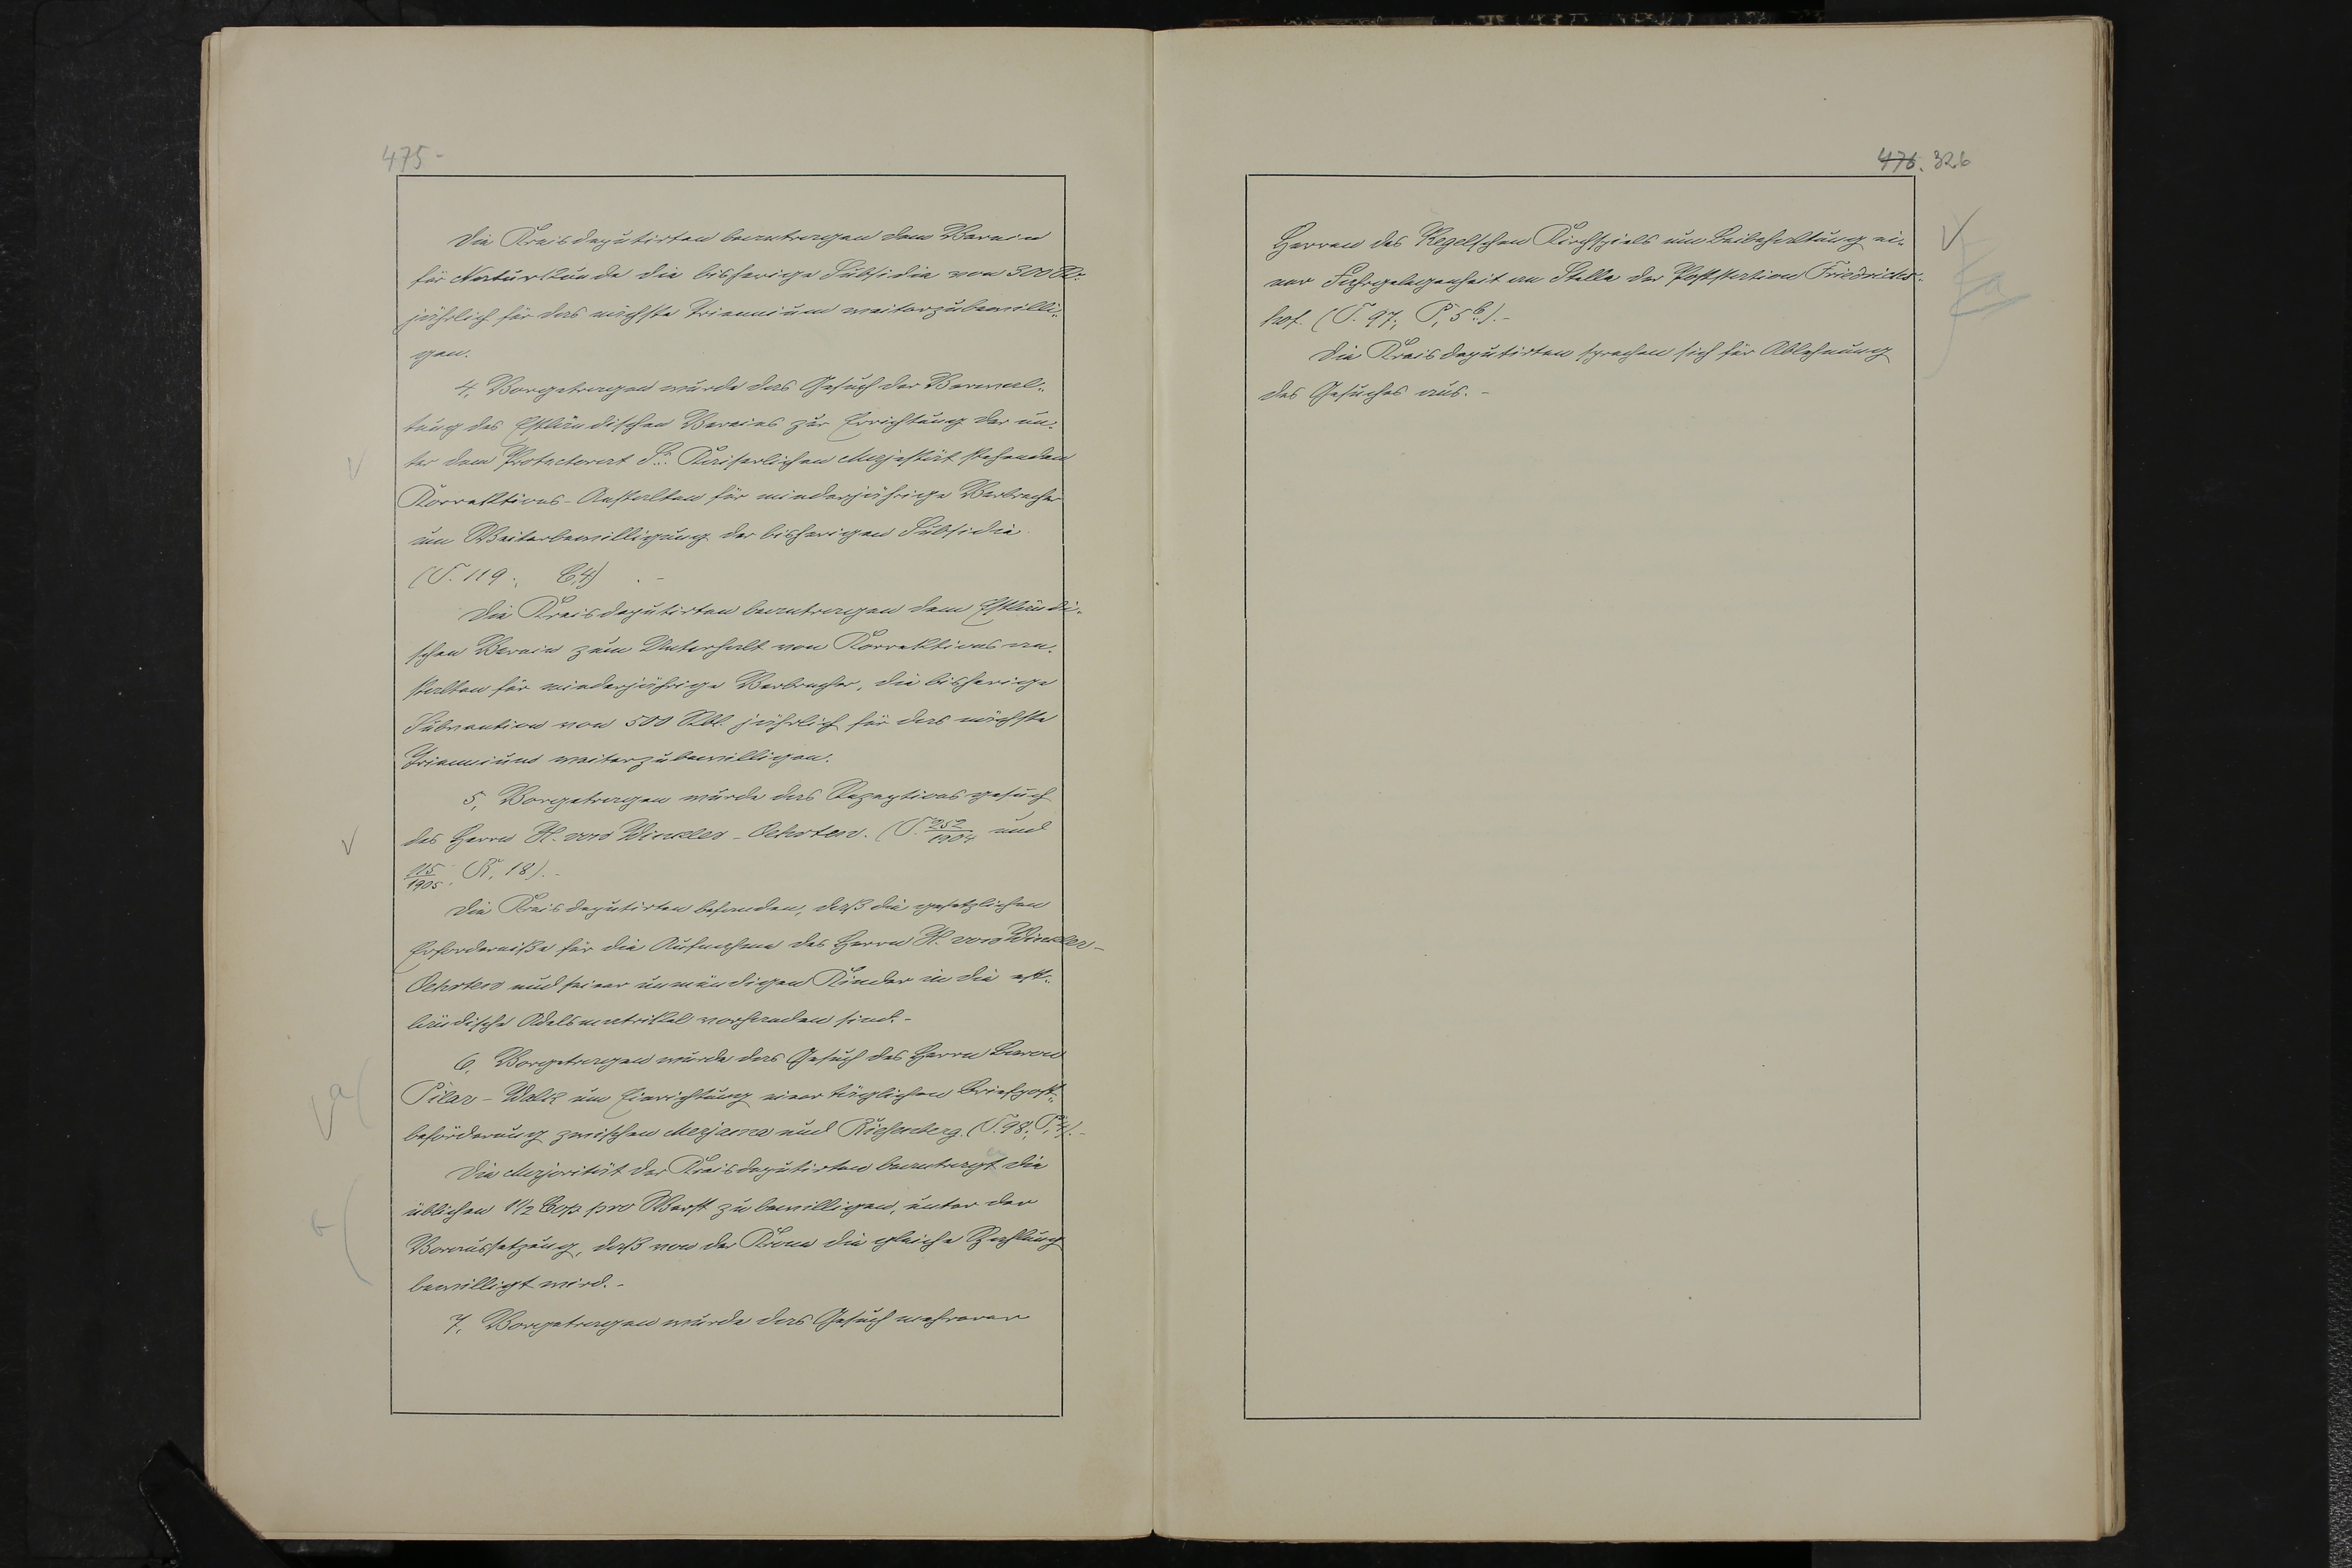Die Kreisdeputirten beantragen dem Verein
für Naturkunde die bisherige Subsidie von 300 Ro.
jährlich für das nächste Triennium weiterzubewilli-
gen.
4. Vorgetragen wurde das Gesuch der Verwal-
tung des Estländischen Vereins zur Errichtung der un-
ter dem Protectorat Sr. Kaiserlichen Majestät stehenden
Korrektions-Anstalten für minderjährige Verbrecher
um Weiterbewilligung der bisherigen Subsidie.
(T.119; C.4).
Die Kreisdeputirten beantragen dem Estländi-
schen Verein zum Unterhalt von Korrektionsan-
stalten für minderjährige Verbrecher, die bisherige
Subvention von 500 Rbl. jährlich für das nächste
Triennium weiterzubewilligen.
5. Vorgetragen wurde das Rezeptionsgesuch
des Herrn H. von Winkler-Oehrten. (T.252/1904 und
115/1905, R.18).
Die Kreisdeputirten befanden, daß die gesetzlichen
Erforderniße für die Aufnahme des Herrn H. von Winkler-
Oehrten und seiner unmündigen Kinder in die est-
ländische Adelsmatrikel vorhanden sind.
6. Vorgetragen wurde das Gesuch des Herrn Baron
Pilar-Walk um Einrichtung einer täglichen Briefpost-
beförderung zwischen Merjama und Riesenberg. (T.98; P.4).
Die Majorität der Kreisdeputirten beantragt die
üblichen 1½ Cop. pro Werst zu bewilligen, unter der
Voraussetzung, daß von der Krone die gleiche Zahlung
bewilligt wird.
7. Vorgetragen wurde das Gesuch mehrerer
Herren des Kegelschen Kirchspiels um Beibehaltung ei-
ner Fahrgelegenheit an Stelle der Poststation Friedrichs-
hof. (T.97; P.5b).
Die Kreisdeputirten sprachen sich für Ablehnung
des Gesuches aus.